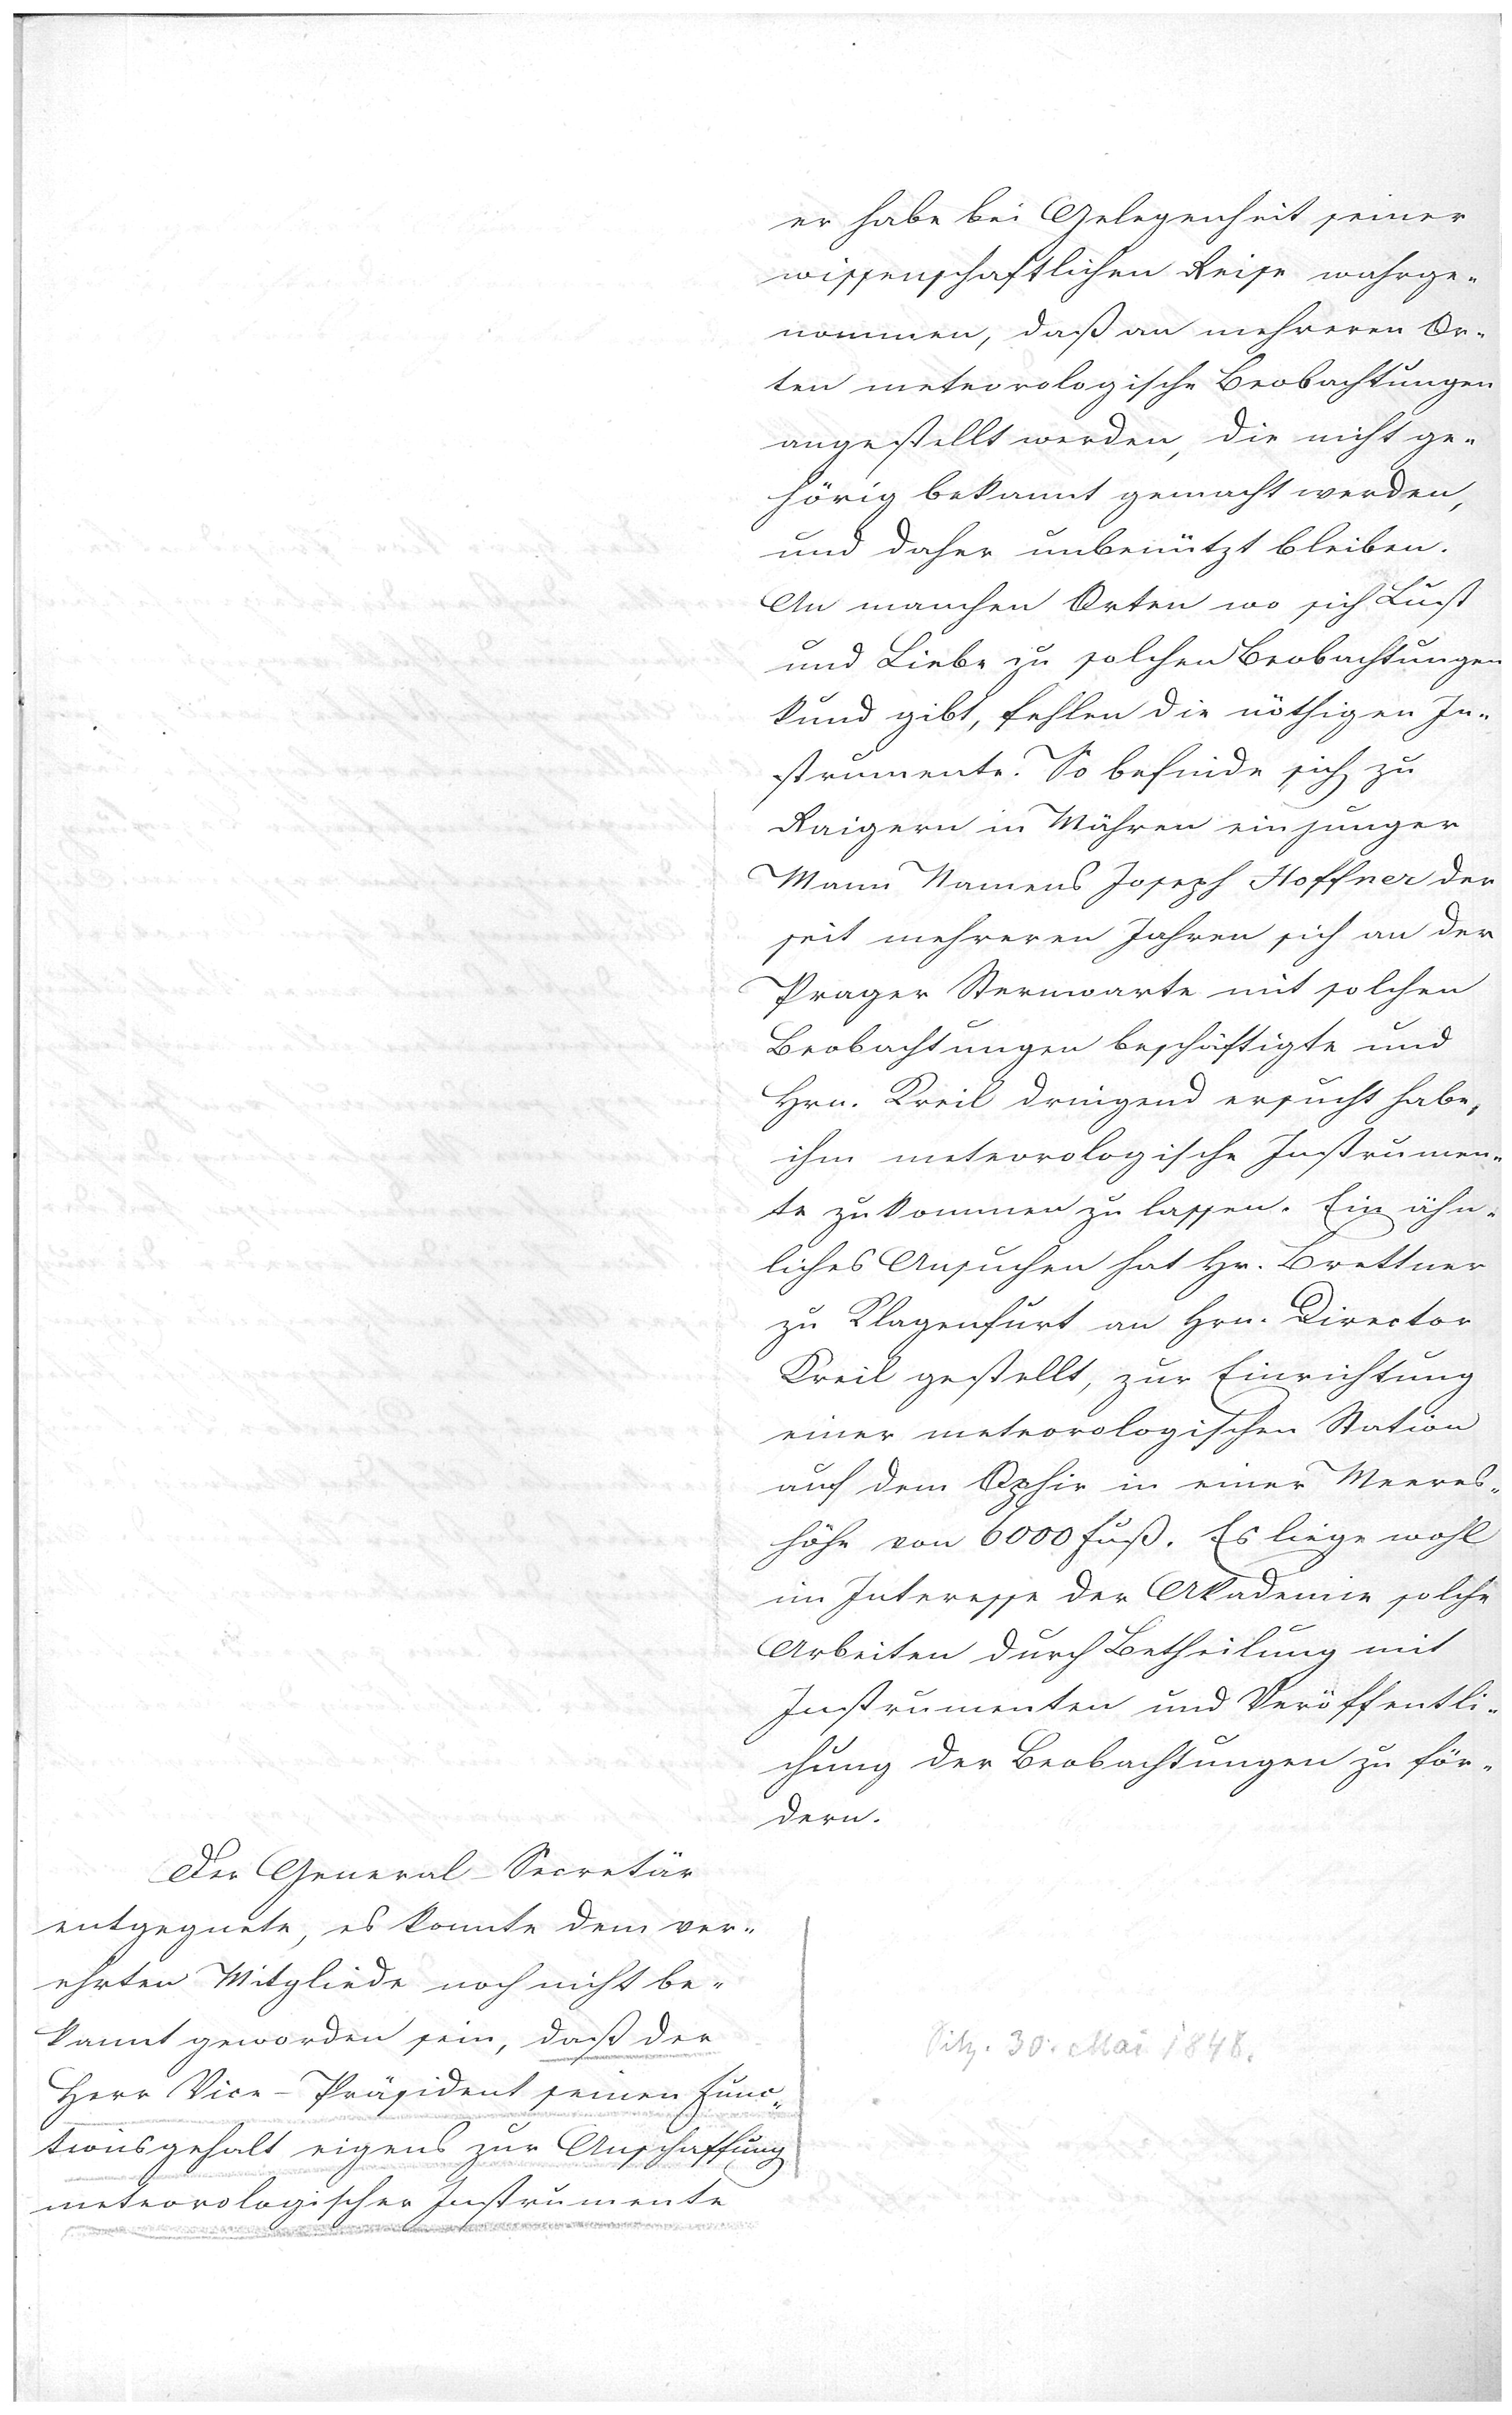er habe bei Gelegenheit seiner
wissenschaftlichen Reise wahrge-
nommen, daß an mehreren Or-
ten meteorologische Beobachtungen
angestellt werden, die nicht ge-
hörig bekannt gemacht werden,
und daher umbenützt bleiben.
An machen Orten wo sich Lust
und Liebe zu solchen Beobachtungen
kund gibt, fehlen die nöthigen In-
strumente. So befinde sich zu
Raigern in Mähren ein junger
Mann Namens Joseph Hoffner der
seit mehreren Jahren sich an der
Prager Sternwarte mit solchen
Beobachtungen beschäftigte und
Hrn. Kreil drinigend ersucht habe,
ihm meteorologische Instrumen-
te zukommen zu lassen. Ein ähn-
liche Ansuchen hat Hr. Brettner
zu Klagenfurt an Hrn. Director
Kreil gestellt, zur Einrichtung
einer meteorologischen Station
auf dem Ophir in einer Meeres-
hohe von 6000 Fuß. Es liege wohl
im Interesse der Akademie solche
Arbeiten durch Betheilung mit
Instrumenten und Veröffentli-
lung der Beobachtungen zu för-
dern.
Die General-Secretär
entgegnete, es konnte dem ver-
ehrten Mitgliede noch nicht be-
kannt geworden ein, daß der
Herr Vice-Präsident seinen Func-
tionsgehalt eigens zur Anschaffung
meteorologischer Instrumente